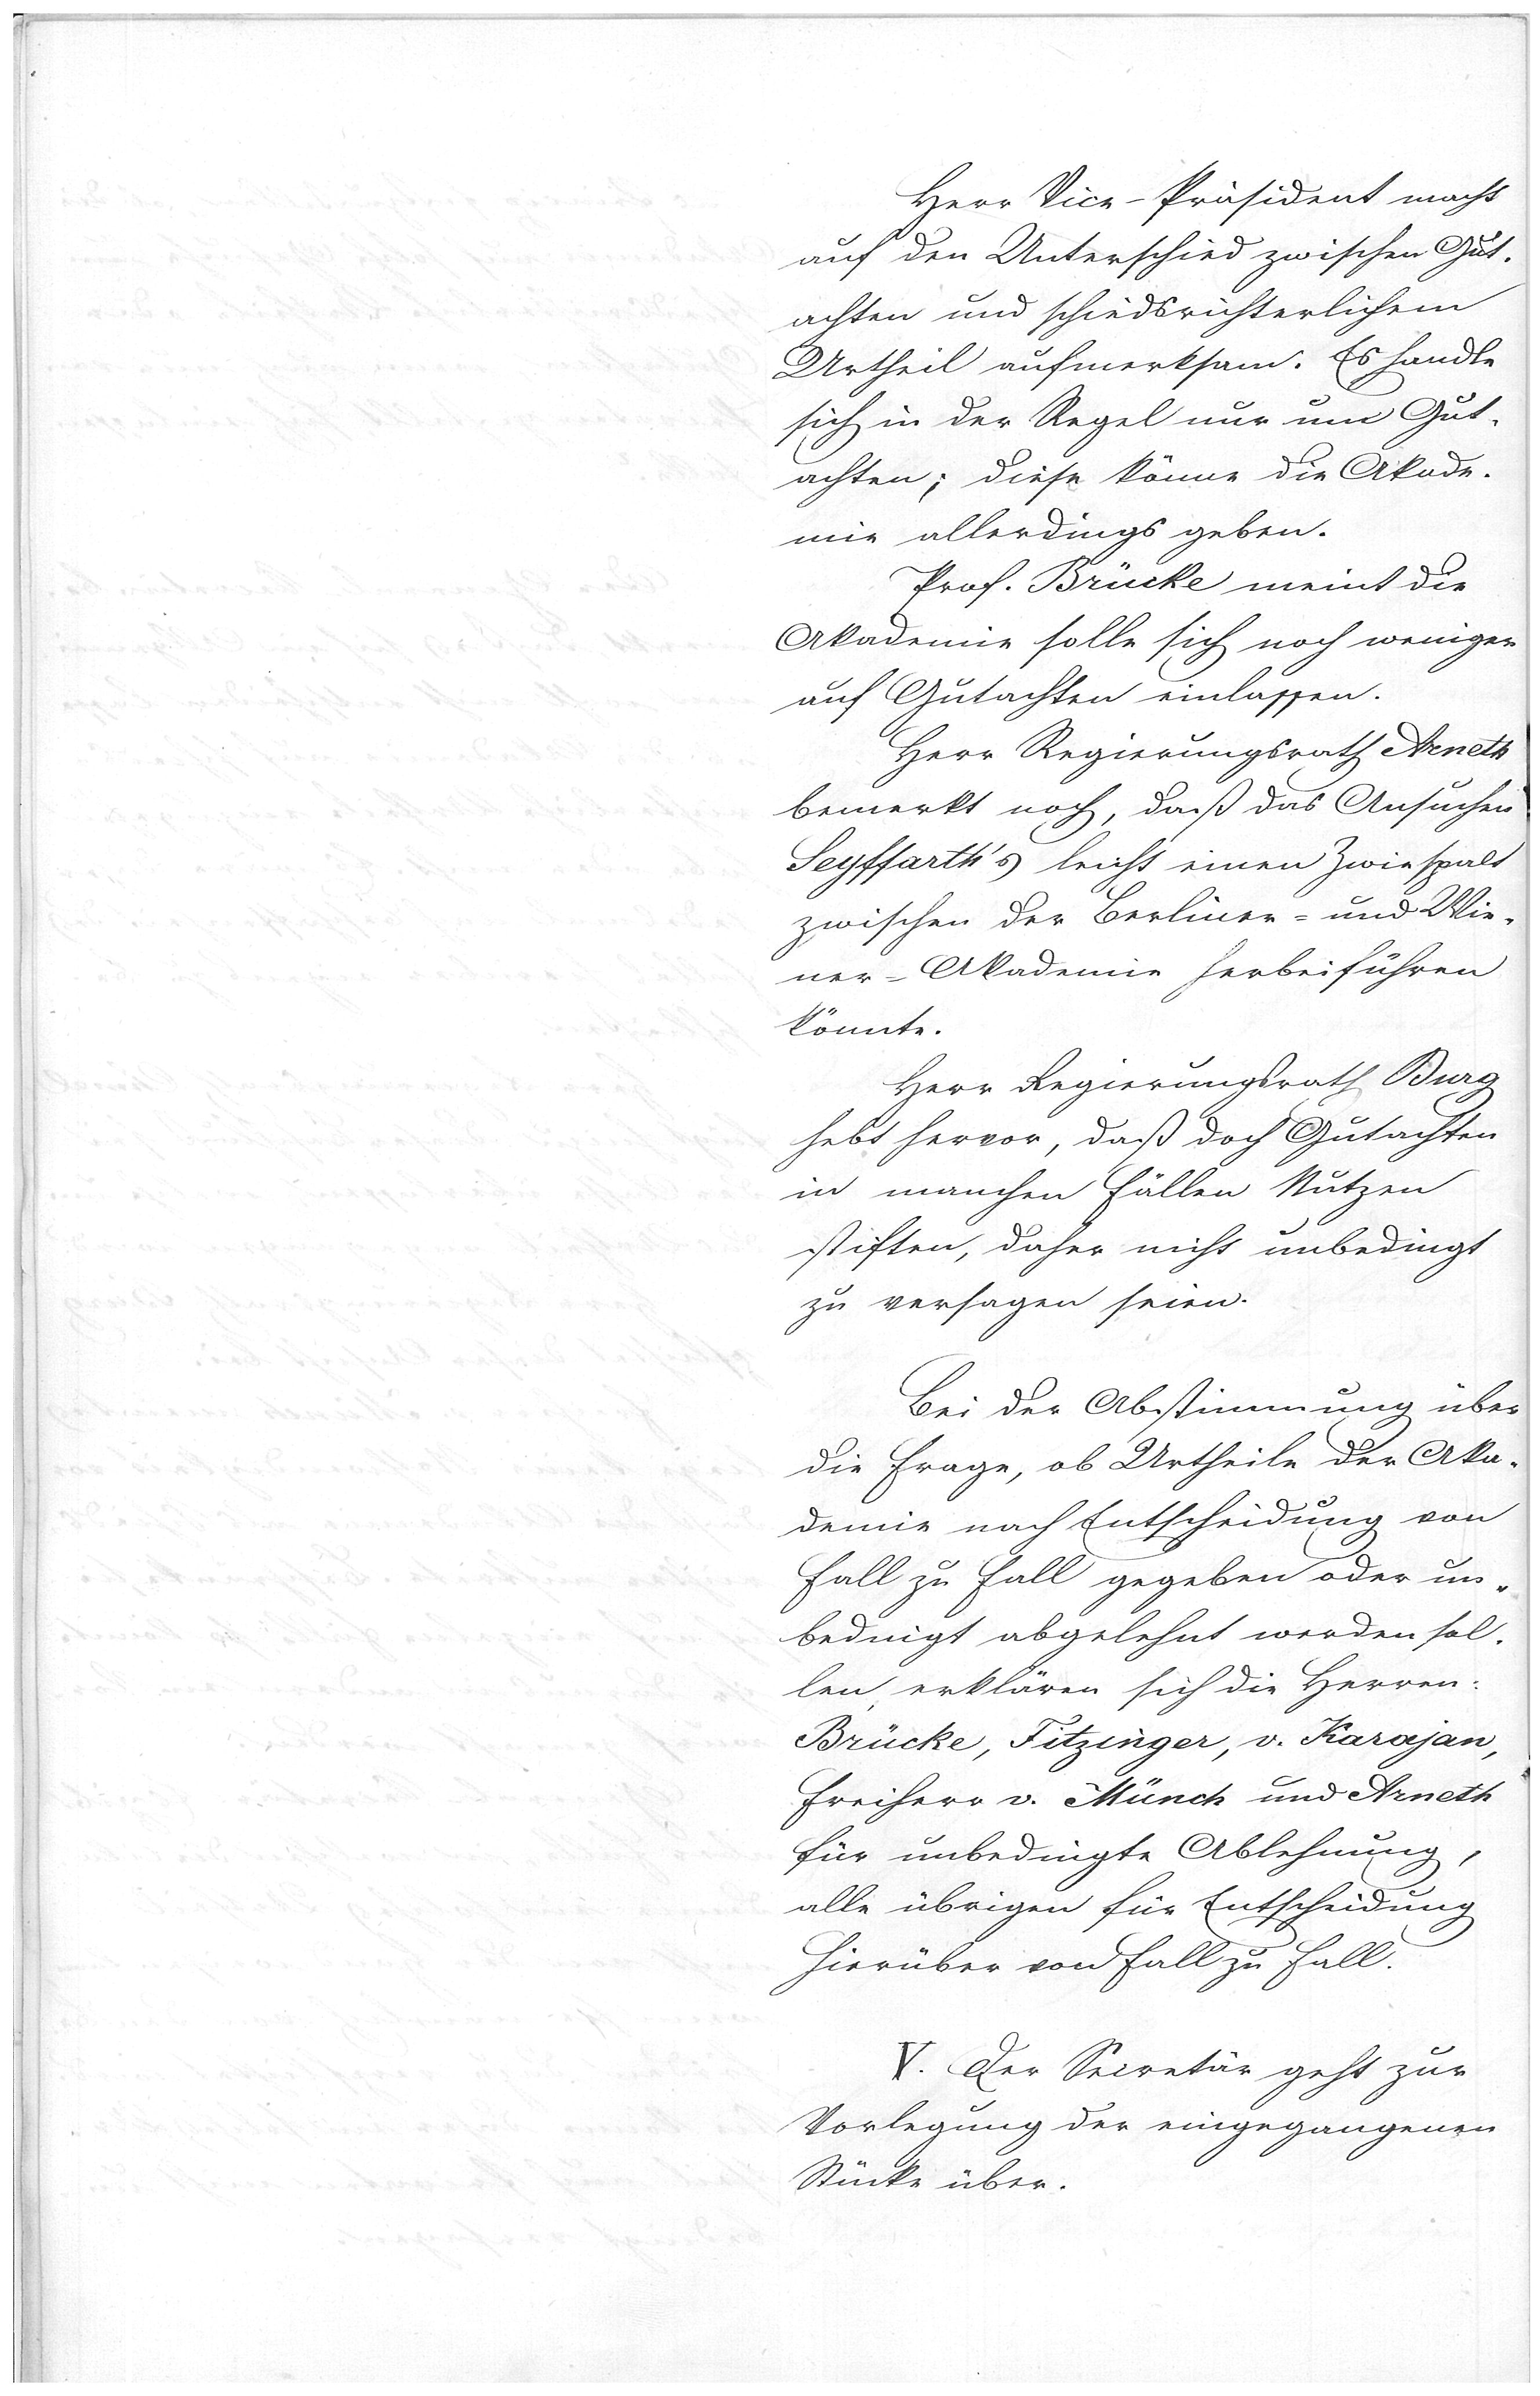Herr Vice-Präsident macht
auf den Unterschied zwischen Gut-
achten und schiedsrichterlichem
Urtheil aufmerksan. Es handle
sich in der Regel nur um Gut-
achten; diese könne die Akade-
mie allerdings geben.
Prof. Brücke meint die
Akademie solle sich noch weniger
auf Gutachten einlassen.
Herr Regierungsrath Arneth
bemerkt noch, daß das Ansuchen
Seyffarth's leicht einen Zwiespalt
zwischen der Berliner- und Wie-
ner-Akademie herbeiführen
könnte.
Herr Regierungsrath Burg
hebt hervor, daß doch Gutachten
in machen Fällen Nutzen
stiften, daher nicht unbedingt
zu versagen seien.
Bei der Abstimmung über
die Frage, ob Urtheile der Aka-
demie nach Entscheidung von
Fall zu Fall gegeben oder un-
bedingt abgelehnt werden sol-
len erklären sich die Herren:
Brücke, Fitzinger, v. Karajan,
Freiherr v. Münch und Arneth
für unbedingte Ablehnung,
alle übrigen für Entscheidung
hierüber von Fall zu Fall.
V. Der Secretär geht zur
Vorlegung der eingegangenen
Stücke über.